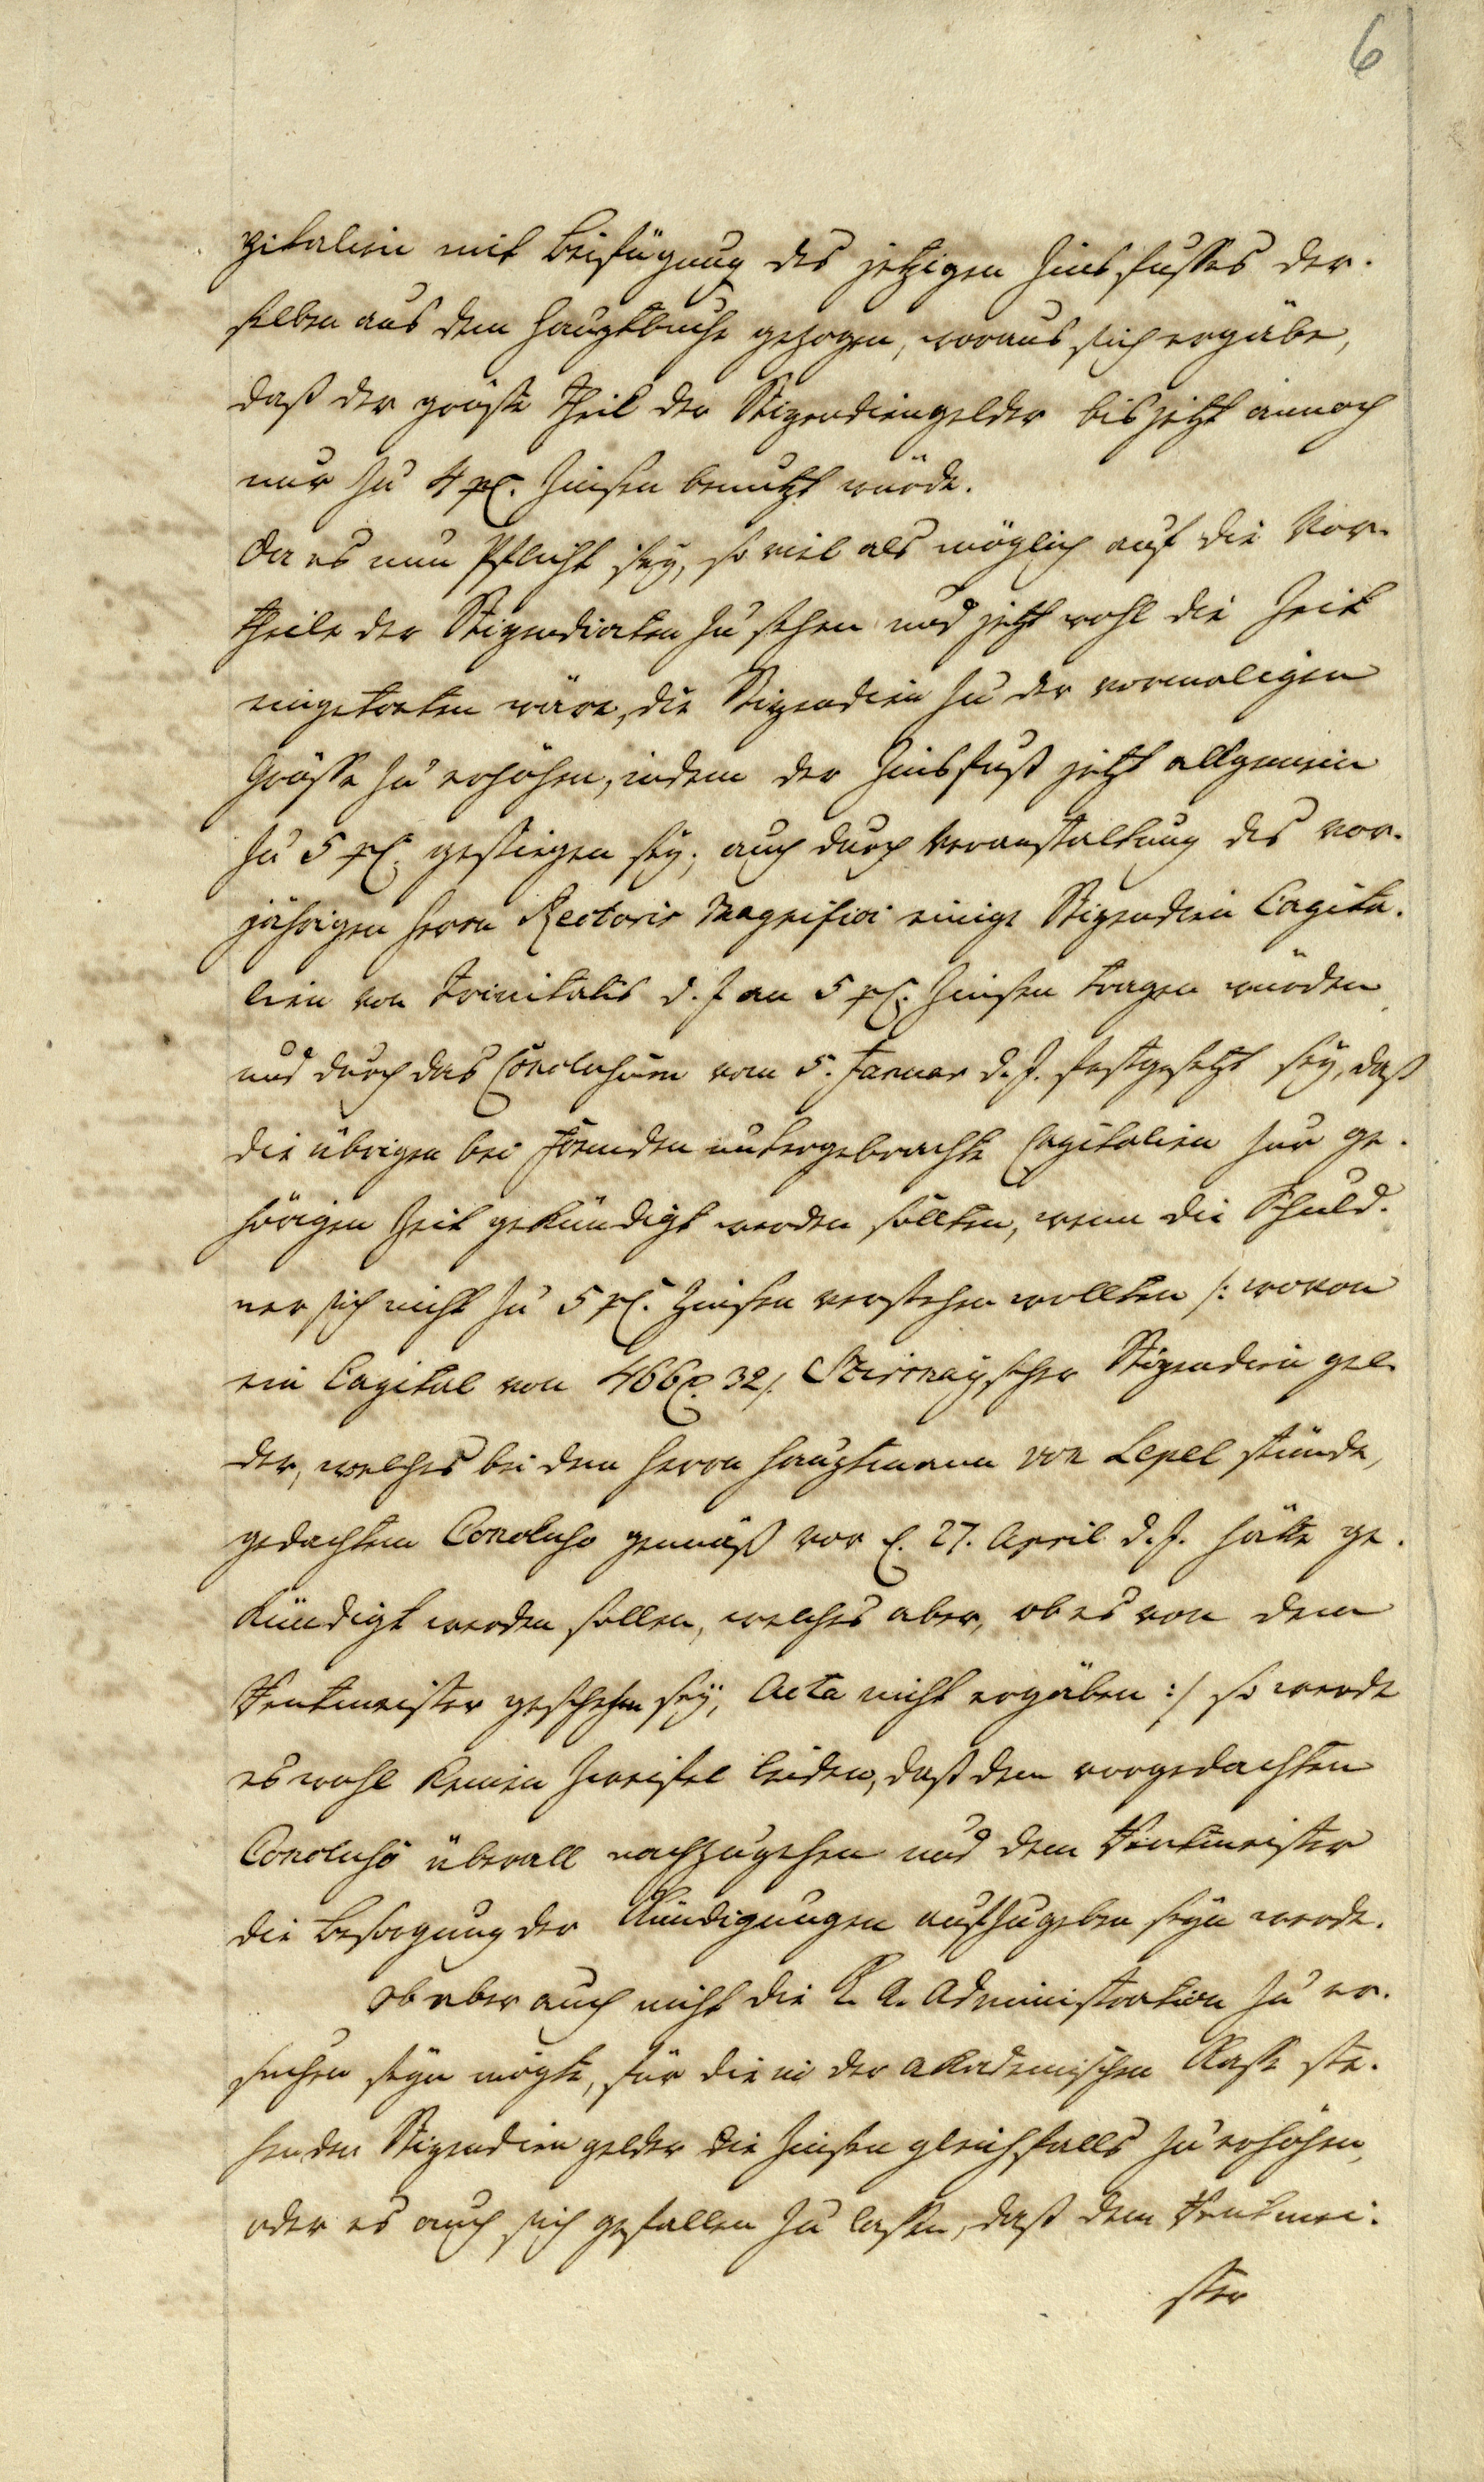pitalien mit Beifügung des jetzigen Zinsfusses der¬
selben aus dem Hauptbuche gezogen, woraus sich ergäbe,
daß der gröste Theil der Stipendiengelder bisjetzt annoch
nur zu 4 pl. Zinsen benutzt würde.
Da es nun Pflicht seÿ, so viel als möglich auf die Vor¬
theile der Stipendiaten zu sehen und jetzt wohl die Zeit
eingetreten wäre, die Stipendien zu der vormaligen
Grösse zu erhöhen, indem der Zinsfuß jetzt allgemein
zu 5 pl. gestiegen seÿ; auch durch Veranstaltung des vor¬
jährigen Herrn Rectoris Magnifici einige Stipendien Capita¬
lien von Trinitatis d. J. an 5 pl Zinsen tragen würden
und durch das Conclusum vom 5. Januar d. J. festgesetzt seÿ, daß
die übrigen bei Fremden untergebrachte Capitalien zur ge¬
hörigen Zeit gekündigt werden sollten, wenn die Schuld¬
ner sich nicht zu 5 pl. Zinsen verstehen wollten /: wovon
ein Capital von 466 l. 32 s. Szirmaÿscher Stipendiengel¬
der, welches bei dem Herrn Hauptmann von Lepel stünde,
gedachtem Concluso gemäß vor l. 27. April d. J. hätte ge¬
kündiget werden sollen, welches aber, ob es von dem
Rentmeister geschehen seÿ, Acta nicht ergäben :/ so werde
es wohl keinen Zweifel leiden, daß dem vorgedachten
Concluso überall nachzugehen und dem Rentmeister
die Besorgung der Kündigungen aufzugeben seÿn werde.
ob aber auch nicht die K. A. Administration zu er¬
suchen seÿn mögte, für die in der akademischen Kasse ste¬
henden Stipendiengelder die Zinsen gleichfalls zu erhöhen,
oder es auch sich gefallen zu lassen, daß dem Rentmei¬
ster